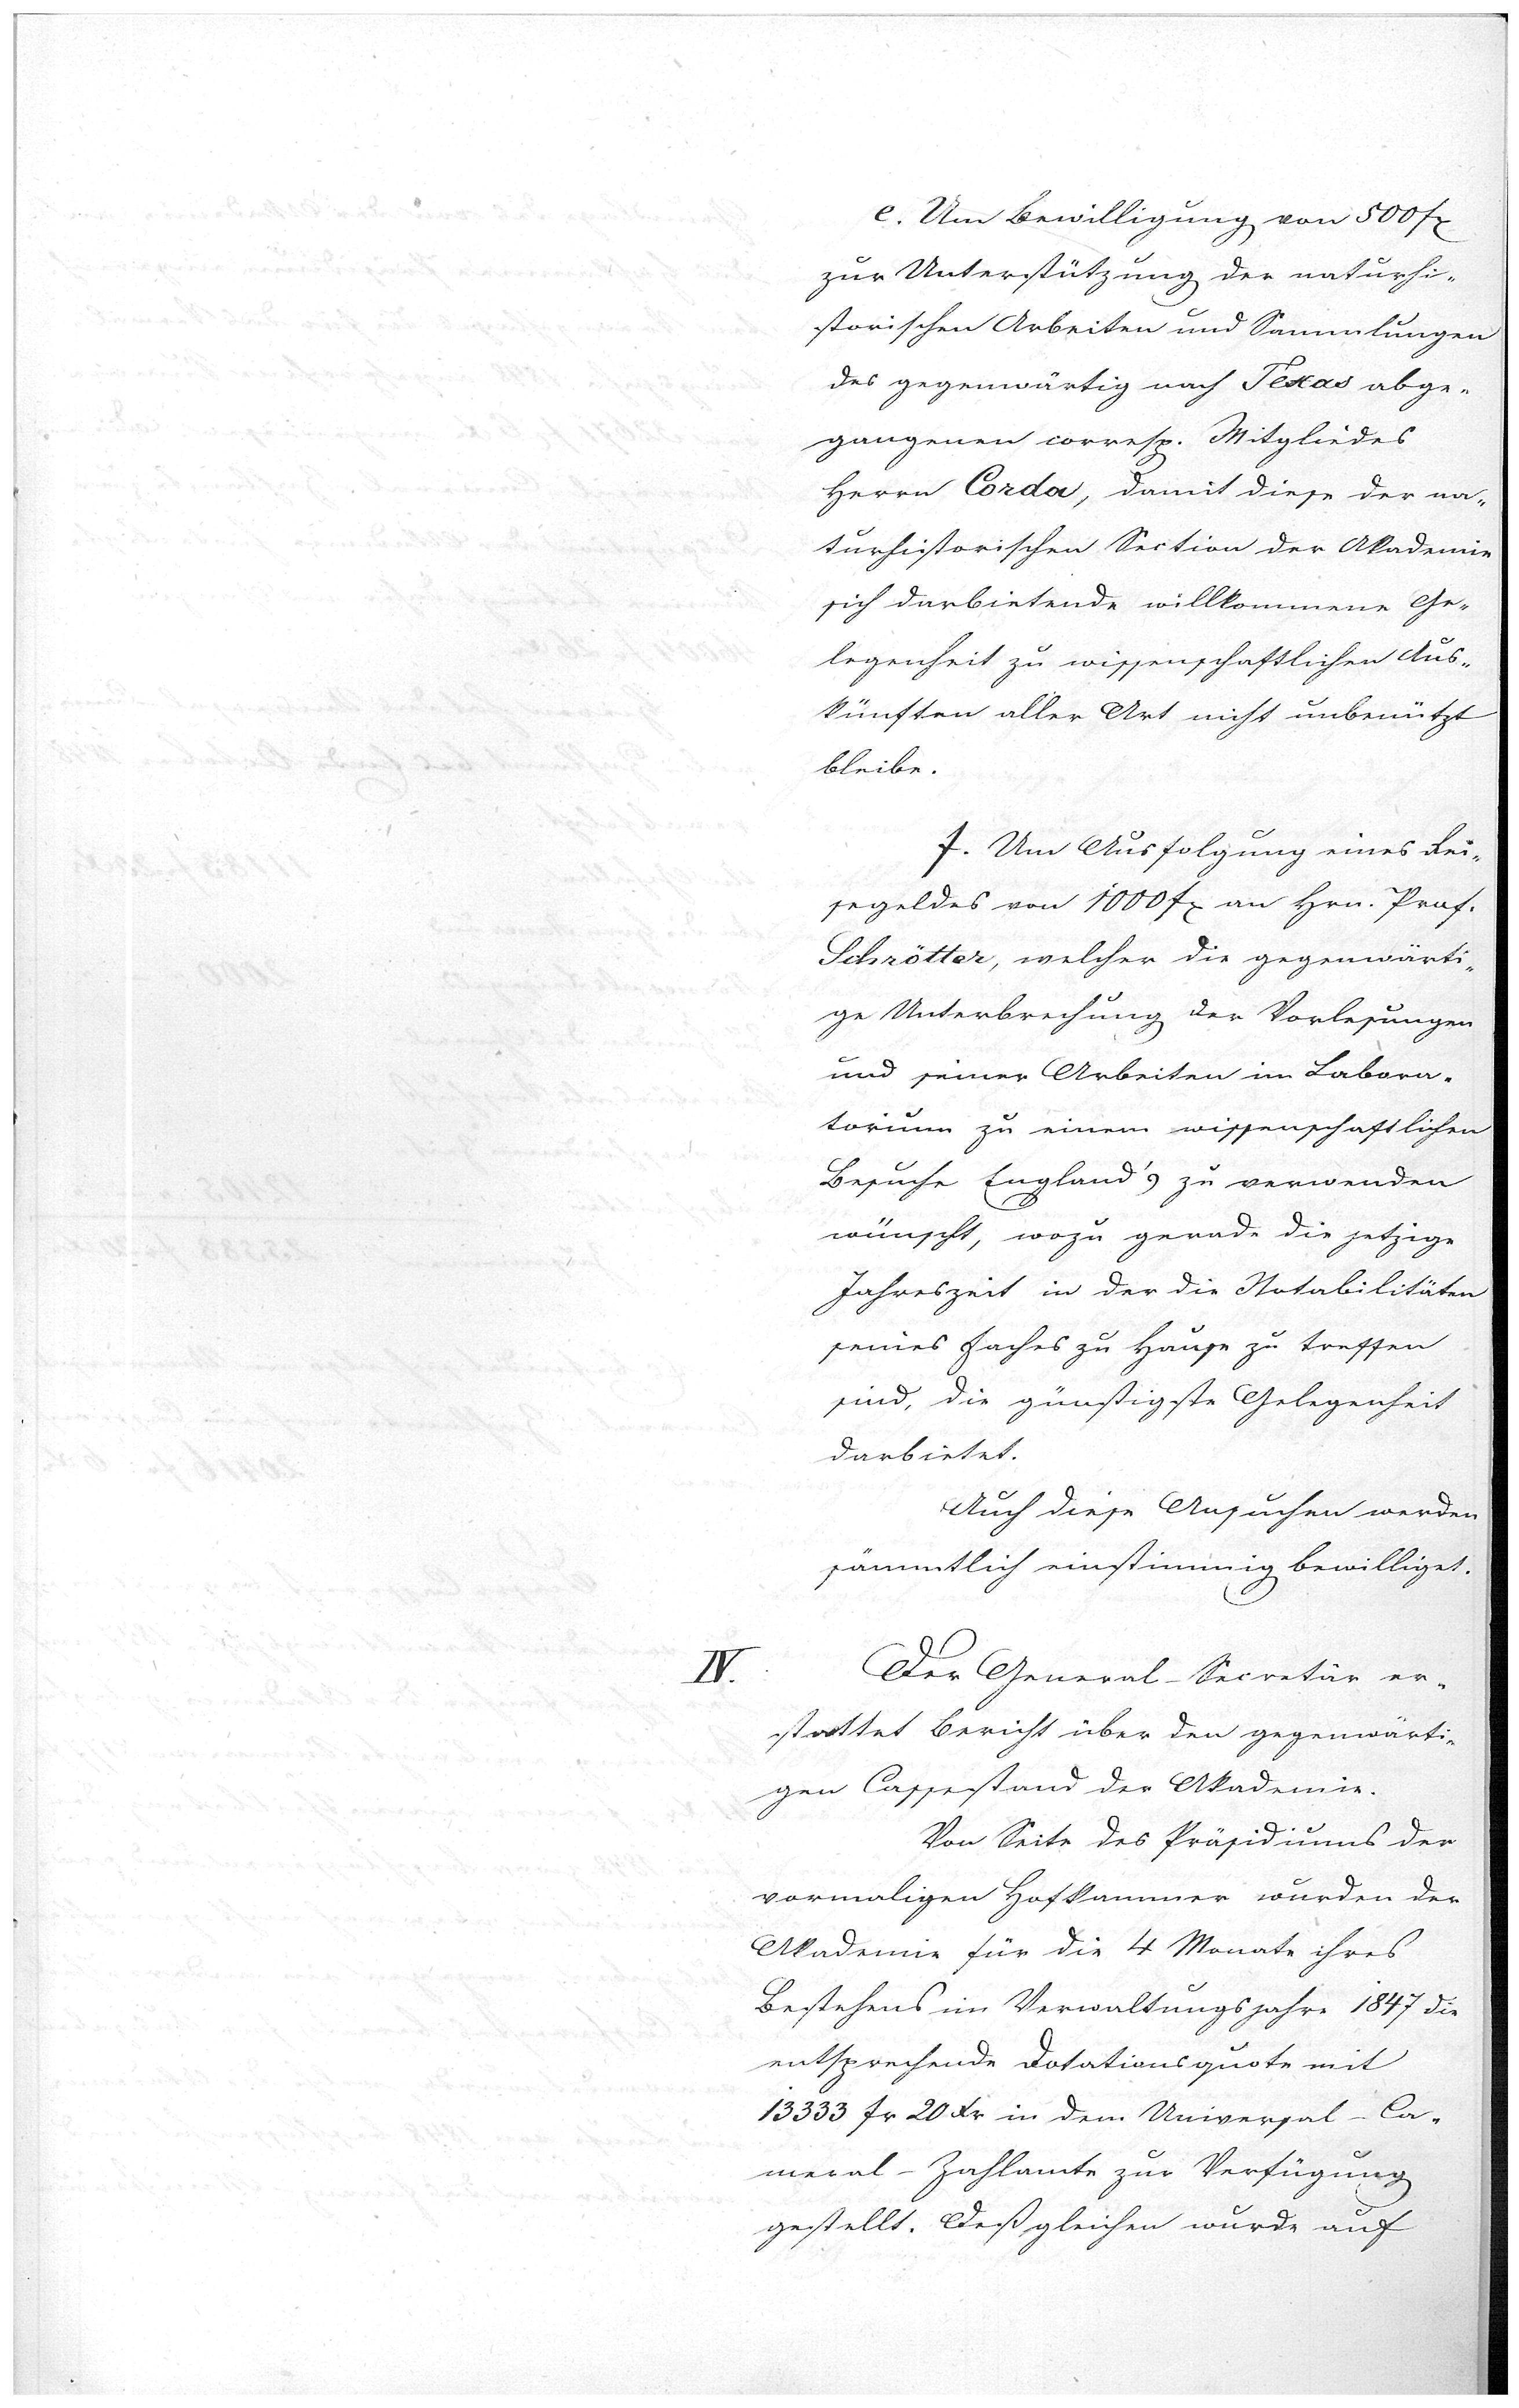e. Um Bewilligung von 500 fr
zur Unterstützung der naturhi-
storischen Arbeiten und Sammlungen
des gegenwärtig nach Texas abge-
gangenen corresp. Mitgliedes
Herrn Corda, damit diese der na-
turhistorischen Section der Akademie
sich darbietende willkommene Ge-
legenheit zu wissenschaftlichen Aus-
künften aller Art nicht unbenützt
bleibe.
f. Um Ausfolgung eines Rei-
segeldes von 1000 fr an Hrn. Prof.
Schrötter, welcher die gegenwärti-
ge Unterbrechung der Vorlesungen
und seiner Arbeiten im Labora-
torium zu einem wissenschaftlichen
Besuchte England's zu verwenden
wünscht, wozu gerade die jetzige
Jahreszeit in der die Notabilitäten
seines Faches zu Hause zu treffen
sind, die günstigste Gelegenheit
darbietet.
Auch diese Ansuchen werden
sämmtlich einstimmig bewilliget.
Der General-Secretär er
stattet Bericht über den gegenwärti-
gen Cassestand der Akademie.
Von Seite des Präsidiums der
vormaligen Hofkammer wurden der
Akademie für die 4 Monates ihres
Bestehens im Verwaltungsjahr 1847 die
entsprechende Dotationsquote mit
13333 fr 20 kr in dem Uuniversal Ca-
meral-Zahlamte zur Verfügung
gestellt. Deßgleichen wurde auf
IV.